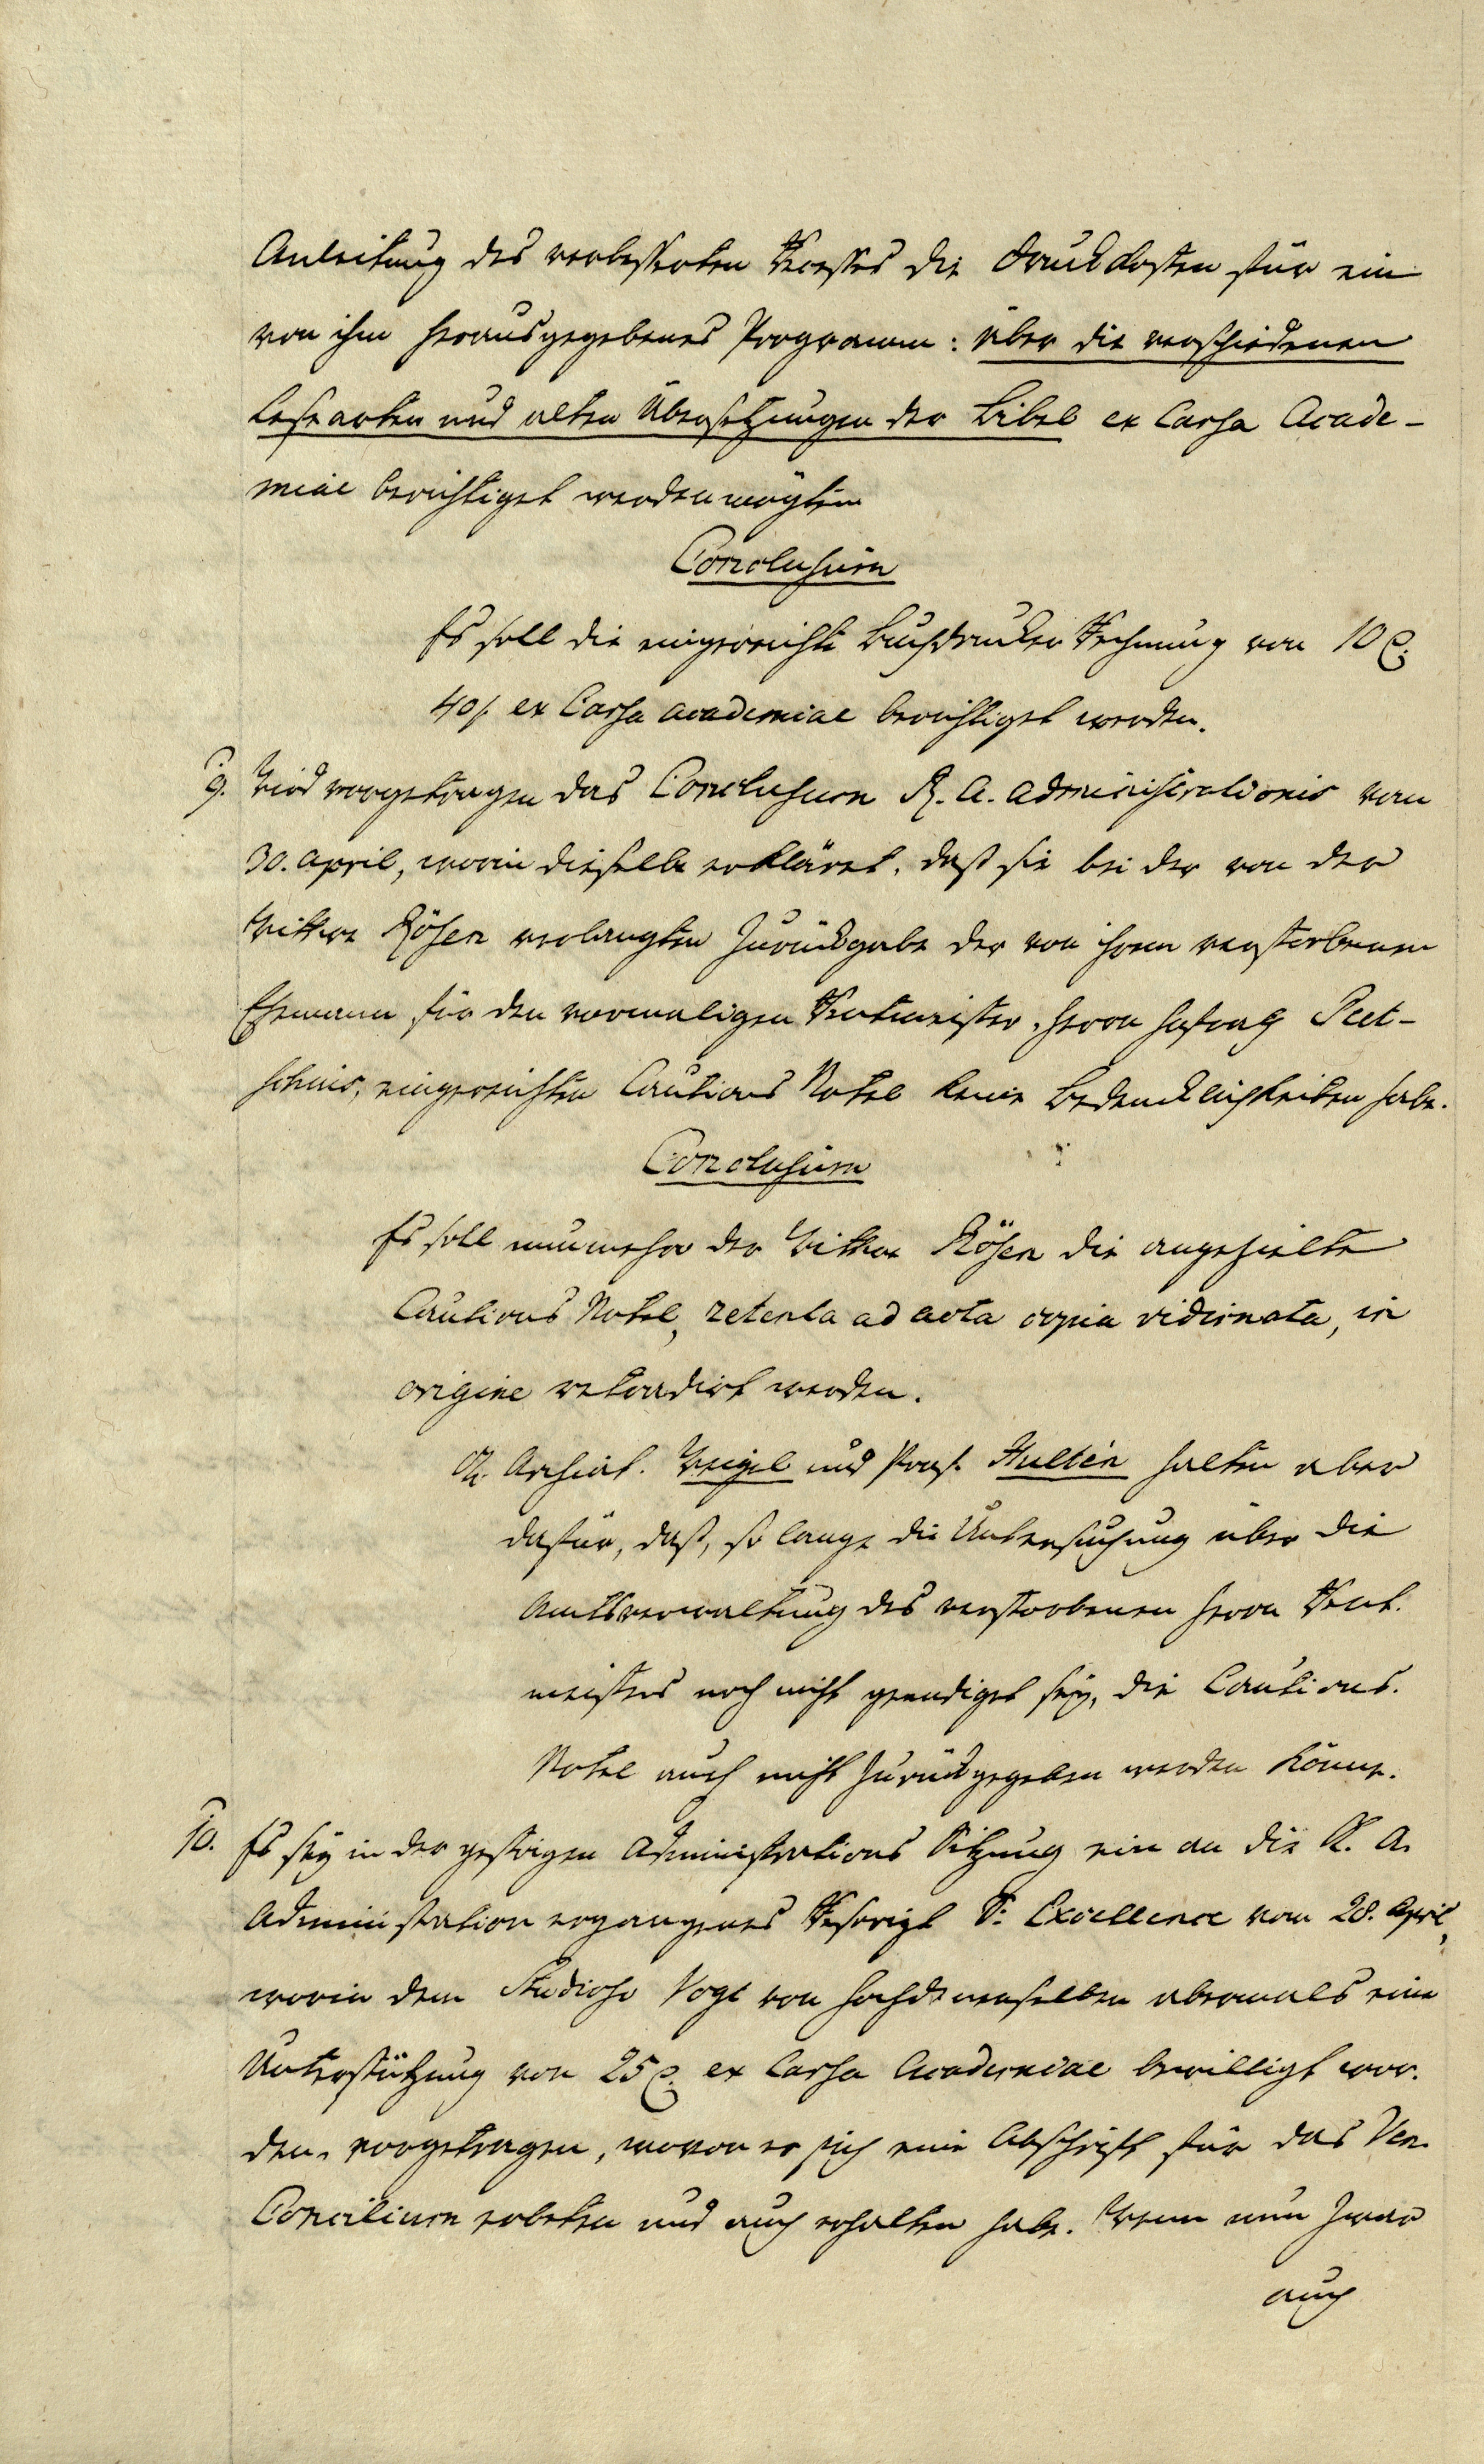Anleitung des verbesserten Recesses die Druckkosten für ein
von ihm herausgegebenes Programm: über die verschiedenen
Lesearten und alten Übersetzungen der Bibel ex Cassa Acade¬
miae berichtiget werden mögten
Conclusum
Es soll die eingereichte Buchdrucker Rechnung von 10 l.
40 s. ex Cassa Academiae berichtiget werden.
9. Wird vorgetragen das Conclusum K. A. Administrationis vom
30. April, worin dieselbe erkläret, daß sie bei der von der
Wittwe Rösen verlangten Zurückgabe der von ihrem verstorbenen
Eheman für den vormaligen Rentmeister, Herrn Hofrath Peet¬
schius, eingereichten Cautions Notel keine Bedencklichkeiten habe.
Conclusum
Es soll nunmehro der Wittwen Rösen die angezielte
Cautions Notel, retenta ad acta copia vidimata, in
origine retradirt werden.
dh. Archiat. Weigel und Prof. Hultén halten aber
dafür, daß, so lange die Untersuchung über die
Amtsverwaltung des verstorbenen Herrn Rent¬
meisters noch nicht geendiget seÿ, die Cautions-
Notel auch nicht zurückgegeben werden könne.
10. Es seÿ in der gestrigen Administrations Sitzung ein an die K. A.
Adminstration ergangenes Rescript Sr. Excellence vom 28. April
worin dem Studioso Vogt von Hochdenenselben abermals eine
Unterstützung von 25 l. ex Cassa Academiae bewilligt wor¬
den vorgetragen, wovon er sich eine Abschrift für das Ven.
Concilium erbeten und auch erhalten habe. Wenn nun zwar
auch